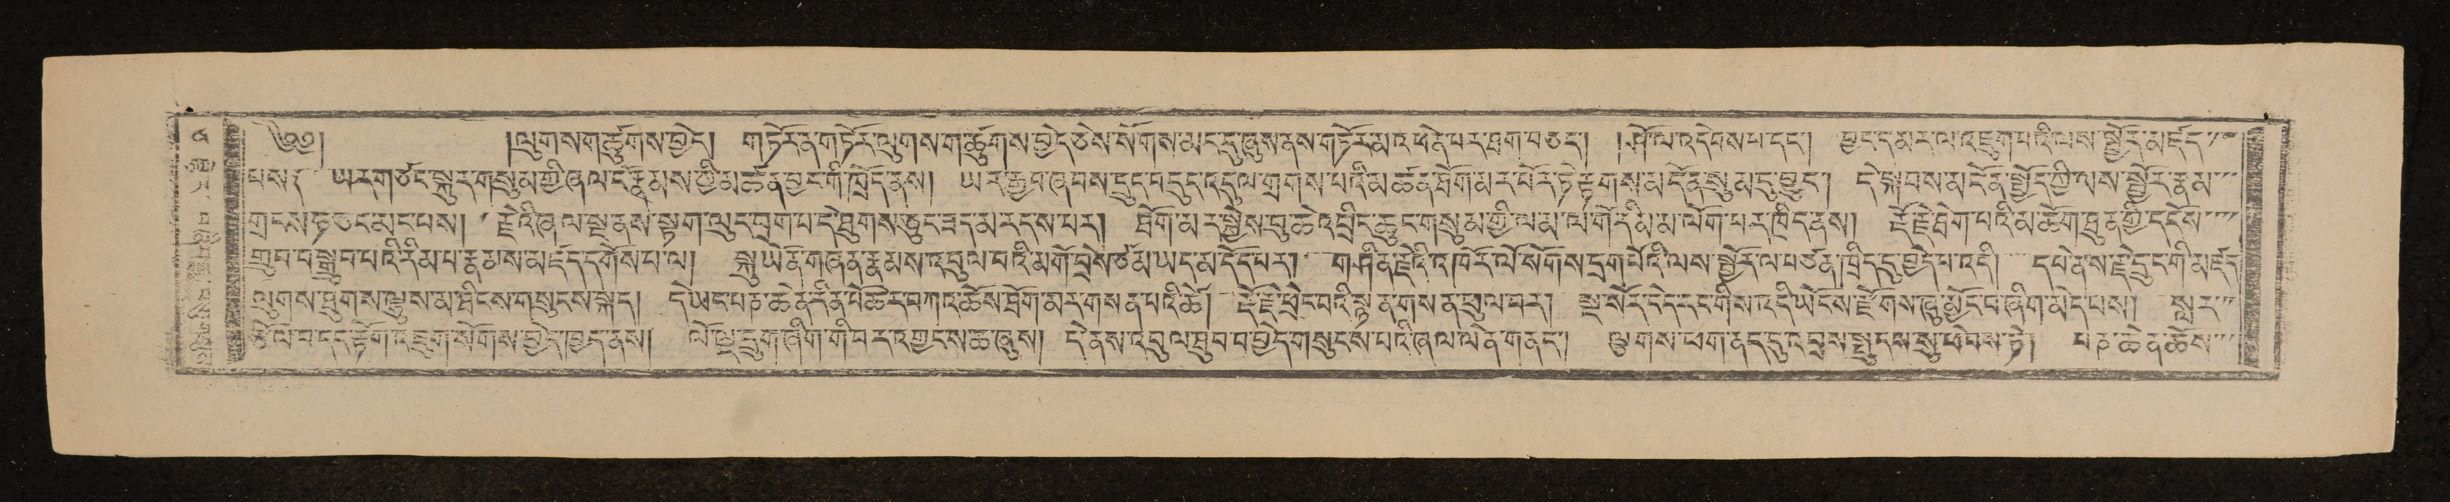༄༅། །ལུགས་ག་ཚུགས་བྱེད། གཏོར་ན་གཏོར་ལུགས་ག་ཚུགས་བྱེད་ཅེས་སོགས་མང་དུ་ཞུས་ནས་གཏོར་མ་འཕེན་པར་ཐག་བཅད། ཤོལ་འདེབས་པ་དང་། བྱང་དམར་ལ་འཇུག་པའི་ལས་སྤྱོར་མཛད་
པས༑ ཡར་གཙང་སྐུར་གསུམ་གྱི་ཞལ་ངོ་རྣམས་ཀྱི་མཚན་བྱང་གི་ཁྲོང་ནས། ཡར་རྒྱབ་ཞབས་དྲུང་བདུང་འདུལ་གྲགས་པའི་མཚན་ཐོག་མར་པོར་ཏེ་རྟགས་མངོན་སུམ་དུ་བྱུང་། དེ་སྐབས་མངོན་སྤྱོད་ཀྱི་ལས་སྦྱོར་རྣམ་
གྲངས་ཧ་ཅང་མང་བས། རྗེའི་ཞལ་སྔ་ནས་སྟག་ལུང་བྲག་པ་དེ་ཐུགས་ཅུང་ཟད་མ་རངས་པར། ཐོག་མར་སྐྱེས་བུ་ཆེ་འབྲིང་ཆུང་གསུམ་གྱི་ལམ་ལ་གོ་རིམ་མ་ལོག་པར་ཁྲིད་ནས། རྡོ་རྗེ་ཐེག་པའི་མཆོག་ཐུན་གྱི་དངོས་
གྲུབ་བསྒྲུབ་པའི་རིམ་པ་རྣམས་མཛད་དགོས་པ་ལ། སྐུ་ཡོན་གཞན་རྣམས་འབུལ་བའི་མགོ་བྲེས་ཙམ་ཡང་མ་དོད་པར། གཤིན་རྗེའི་འཁོར་ལོ་སོགས་དྲག་པོའམ་ལས་སྦྱོར་ལ་བཙན་ཁྲིད་དུ་བྱེད་པ་འདི། དབེན་ས་རྗེ་དྲུང་གི་མཛད་
ལུགས་ཐུགས་ལྷུས་མ་ཐིངས་གསུངས་སྐད། དེ་ཡང་པཎ་ཆེན་རིན་པོ་ཆེར་བཀའ་ཆོས་ཐོག་མར་གསན་པའི་ཚེ། རྡོ་རྗེ་ཕྲེང་བའི་སྙན་གསན་ཕུལ་བར། སྔ་སོར་ངེད་རང་གིས་འདི་ཡོངས་རྫོགས་ཞུ་མྱོང་བ་ཞིག་མེད་པས། སླར་
རྩོལ་བ་དང་རྟོག་འཇུག་སོགས་བྱེད་ཁྱད་ནས། ལོ་ལྔ་དྲུག་ཞིག་གི་བར་འགྱངས་ཆ་ཞུས། དེ་ནས་འབུལ་ཐུབ་པ་བྱེད་གསུངས་པའི་ཞལ་ལེན་གནང་། ལྕགས་ཕག་ནང་དུ་འབྲས་སྤུངས་སུ་ཕེབས་ཏེ། པཎ་ཆེན་ཆོས་